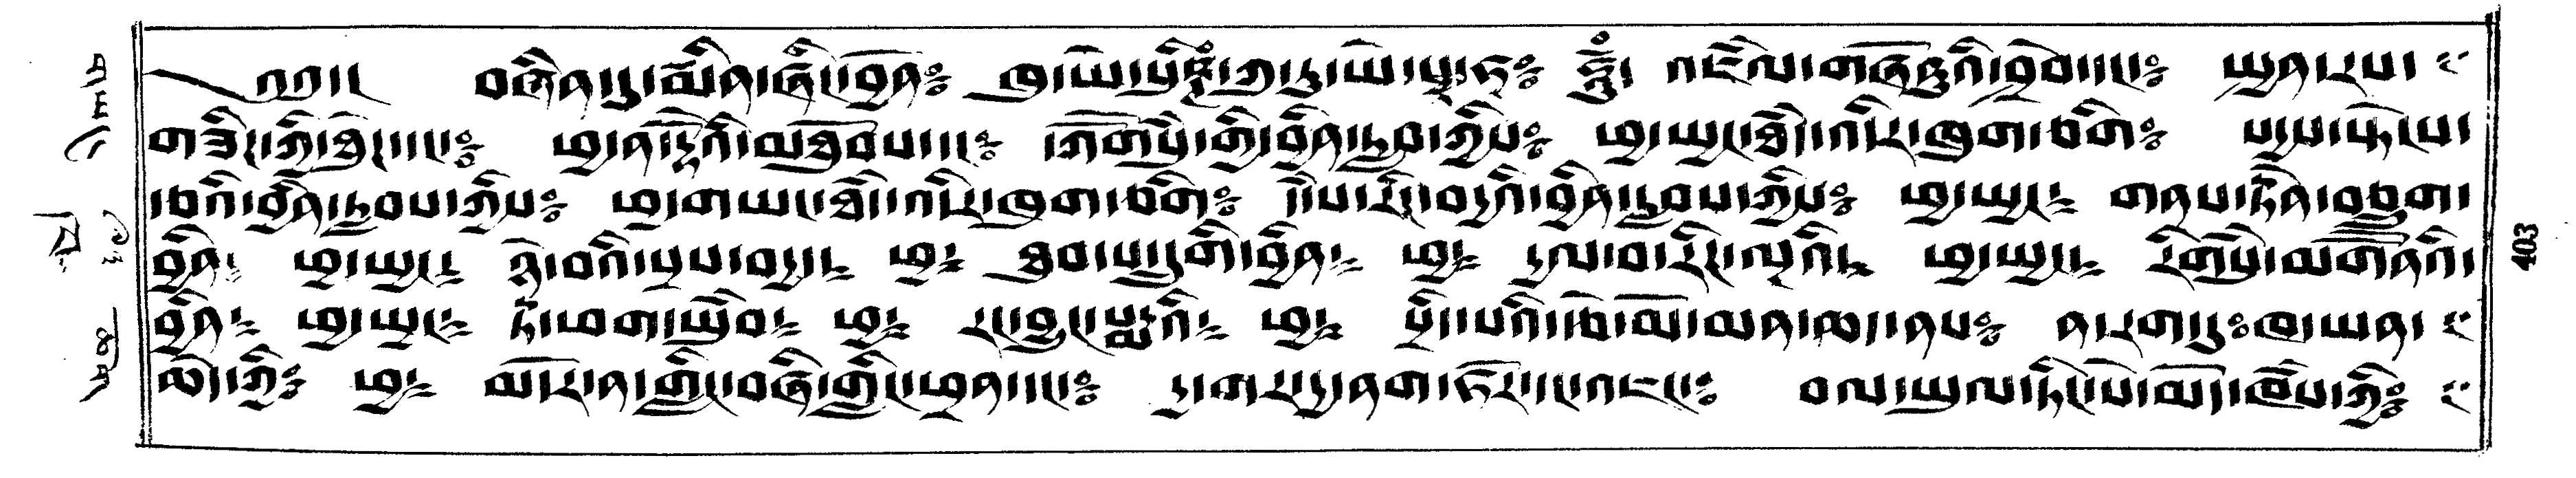བཞིན་དུ་སྨིན་ཞིང་བྱོན༔ ཁུ་ཡེ་པུཥྚིཾ་ཀུ་རུ་ཡེ་སྭ་ཧཱ༔ ཧཱུྃ༔ འཇམ་དཔལ་གཞོན་ནུའི་ཤེས་རབ་དང༔ སྤྱན་རས་
གཟིགས་ཀྱི་ཐུགས་རྗེ་དང༔ ཕྱག་ན་རྡོ་རྗེའི་མཐུ་སྟོབས་དང༔ དཀོན་མཆོག་གསུམ་གྱི་བྱིན་རླབས་ཀྱིས༔ ཕྱྭ་གཡང་ཐམས་ཅད་འདིར་ཁུག་ཅིག༔ སངས་རྒྱས་སྟེང་
རྩའི་བྱིན་རླབས་ཀྱིས༔ ཕྱྭ་གཡང་ཐམས་ཅད་འདིར་ཁུག་ཅིག༔ དམ་པ་རིགས་བརྒྱའི་བྱིན་རླབས་ཀྱིས༔ ཕྱྭ་གཡང༴ གནས་རྟེན་བཅུ་དྲུག་
བྱིན༴ ཕྱྭ་གཡང༴ ཉེ་བའི་སྲས་བརྒྱད༴ ཕྱྭ༴ ཐུབ་པ་དྲུག་གི་བྱིན༴ ཕྱྭ༴ རྒྱལ་བ་རིགས་ལྔའི༴ ཕྱྭ་གཡང༴ རིགས་གསུམ་མགོན་པོའི་
བྱིན༴ ཕྱྭ་གཡང༴ རྟ་ཕག་ཡབ་ཡུམ༴ ཕྱྭ༴ རང་བྱུང་པདྨའི༴ ཕྱྭ༴ སྲིད་པའི་རྩེ་མོ་མན་ཆད་ནས༔ ན་རཀ་དུཿཁ་ཡན་
ཆེད་ཀྱི༔ ཕྱྭ༴ མདོར་ན་གླིང་བཞི་གླིང་ཕྲན་དང༔ རྒྱ་གར་རྒྱ་ནག་ཧོར་དང་འཇང༔ བལ་ཡུལ་ཏིང་སེ་མདོ་ཁམས་ཀྱི༔